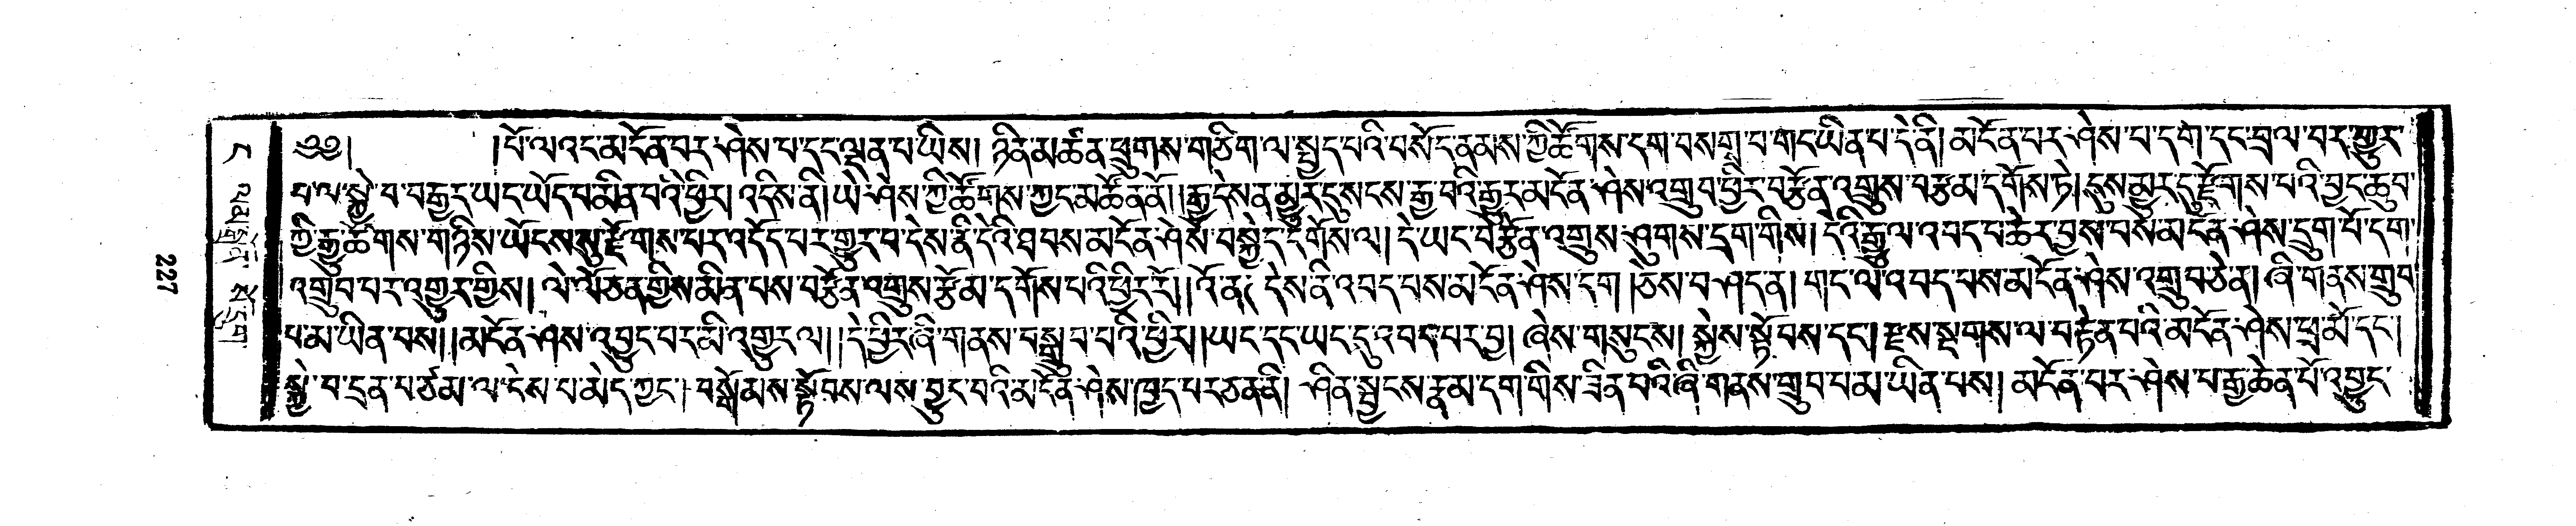༄༅། །པོ་ལའང་མངོན་པར་ཤེས་པ་དང་ལྡན་པ་ཡིས། ཉིན་མཚན་ཕྲུགས་གཅིག་ལ་སྤྱད་པའི་བསོད་ནམས་ཀྱི་ཚོགས་དག་བསགས་པ་གང་ཡིན་པ་དེ་ནི། མངོན་པར་ཤེས་པ་དག་དང་བྲལ་བར་གྱུར་
པ་ལ་སྐྱེ་བ་བརྒྱར་ཡང་ཡོད་པ་མིན་པའི་ཕྱིར། འདིས་ནི། ཡེ་ཤེས་ཀྱི་ཚོགས་ཀྱང་མཚོན་ནོ། །རྒྱུ་དེས་ན་མྱུར་དུ་སངས་རྒྱས་བའི་རྒྱུར་མངོན་ཤེས་འགྲུབ་ཕྱིར་བརྩོན་འགྲུས་བརྩམ་དགོས་ཏེ། དུས་མྱུར་དུ་རྫོགས་པའི་བྱང་ཆུབ་
ཀྱི་རྒྱུ་ཚོགས་གཉིས་ཡོངས་སུ་རྫོགས་པར་འདོད་པར་གྱུར་པ་དེས་ནི་དེའི་ཐབས་མངོན་ཤེས་བསྐྱེད་དགོས་ལ། དེ་ཡང་བརྩོན་འགྲུས་ཤུགས་དྲག་གིས། དེའི་རྒྱུ་ལ་འབད་པ་ཆེར་བྱས་པས་མངོན་ཤེས་དྲུག་པོ་དག་
འགྲུབ་པར་འགྱུར་གྱིས། ལེ་ལོ་ཅན་གྱིས་མིན་པས་བརྩོན་འགྲུས་རྩོམ་དགོས་པའི་ཕྱིར་རོ། །འོ་ན། དེས་ནི་འབད་པས་མངོན་ཤེས་དག །ཅེས་བཤད་ན། གང་ལ་འབད་པས་མངོན་ཤེས་འགྲུབ་ཅེ་ན། ཞི་གནས་གྲུབ་
པ་མ་ཡིན་པས། །མངོན་ཤེས་འབྱུང་བར་མི་འགྱུར་ལ། །དེ་ཕྱིར་ཞི་གནས་བསྒྲུབ་པའི་ཕྱིར། །ཡང་དང་ཡང་དུ་འབད་པར་བྱ། ཞེས་གསུངས། སྐྱེས་སྟོབས་དང་། རྫས་སྔགས་ལ་བརྟེན་པའི་མངོན་ཤེས་ཕྲ་མོ་དང་།
སྐྱེ་བ་དྲན་པ་ཙམ་ལ་ངེས་པ་མེད་ཀྱང་། བསྒོམས་སྟོབས་ལས་བྱུང་བའི་མངོན་ཤེས་ཁྱད་པར་ཅན་ནི། ཤིན་སྦྱངས་རྣམ་དག་གིས་ཟིན་པའི་ཞི་གནས་གྲུབ་པ་མ་ཡིན་པས། མངོན་པར་ཤེས་པ་རྒྱ་ཆེན་པོ་འབྱུང་